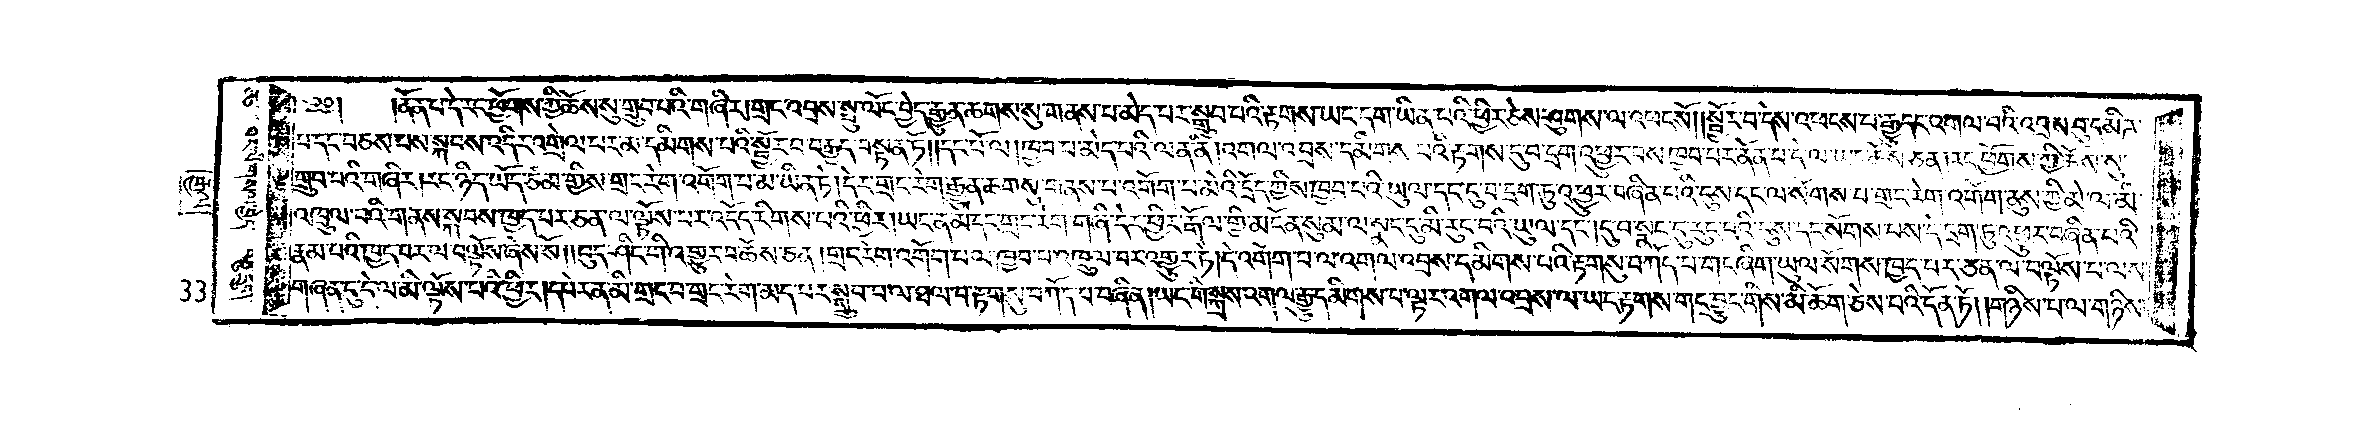༄༅། །ནོན་པ་དེ་རང་ཕྱོགས་ཀྱི་ཆོས་སུ་གྲུབ་པའི་གཞིར། གྲང་འབྲས་སྤུ་ལོང་བྱེད་རྒྱུན་ཆགས་སུ་གནས་པ་མེད་པར་སྒྲུབ་པའི་རྟགས་ཡང་དག་ཡིན་པའི་ཕྱིར་ཅེས་ཤུགས་ལ་འཕངས་སོ། །སྦྱོར་བ་དེས་འཕངས་པ་རྒྱུ་དང་འགལ་བའི་འབྲས་བུ་དམིཌ་
པ་དང་བཅས་པས་སྐབས་འདིར་འགྲེལ་པར་མ་དམིགས་པའི་སྦྱོར་བ་བརྒྱད་བསྟན་ཏོ། །དང་པོ་ལ། ཁྱབ་པ་མེད་པའི་ལན་ནི། འགལ་འབྲས་དམིགས་པའི་རྟགས་དུ་བ་དྲག་འཕྱུར་བས་ཁྱབ་པར་ནོན་པ་དེ་ལ་ཡང་ཆོས་ཅན། རང་ཕྱོགས་ཀྱི་ཆོས་སུ་
གྲུབ་པའི་གཞིར། རང་ཉིད་ཡོད་ཙམ་གྱིས་གྲང་རེག་འགོག་པ་མ་ཡིན་ཏེ། དེར་གྲང་རེག་རྒྱུན་ཆགས་སུ་གནས་པ་འགོག་པ་མེའི་དྲོད་ཀྱིས་ཁྱབ་པའི་ཡུལ་དང་དུ་བ་དྲག་ཏུ་འཕྱུར་བཞིན་པའི་དུས་དང་ལ་སོགས་པ་གྲང་རེག་འགོག་ནུས་ཀྱི་མེ་ལ་མི་
འཁྲུལ་པའི་གནས་སྐབས་ཁྱད་པར་ཅན་ལ་ལྟོས་པར་འདོད་རིགས་པའི་ཕྱིར། ཡང་ན་མེ་དང་གྲང་རེག་གཞི་དེར་ཕྱིར་རྒོལ་གྱི་མངོན་སུམ་ལ་སྣང་དུ་མི་རུང་བའི་ཡུལ་དང་། དུ་བ་སྣང་དུ་རུང་བའི་དུས་དང་སོགས་པས་དེ་དྲག་ཏུ་འཕྱུར་བཞིན་པའི་
རྣམ་པའི་ཁྱད་པར་ལ་བལྟོས་ཞེས་སོ། །བུད་ཤིང་གི་འགྱུར་བ་ཆོས་ཅན། གྲང་རེག་འགོག་པ་ལ་ཁྱབ་པ་འཁྲུལ་བར་འགྱུར་ཏེ། དེ་འགོག་པ་ལ་འགལ་འབྲས་དམིགས་པའི་རྟགས་སུ་བཀོད་པ་གང་ཞིག་ཡུལ་སོགས་ཁྱད་པར་ཅན་ལ་བལྟོས་པ་ལས་
གཞན་དུ་དེ་ལ་མི་ལྟོས་པའི་ཕྱིར། དཔེར་ན་མི་གྲང་བ་གྲང་རེག་མེད་པར་སྒྲུབ་པ་ལ་ཐལ་བ་རྟགས་སུ་བཀོད་པ་བཞིན། ཡང་གི་སྐྲས་འགལ་རྒྱུ་དམིགས་པ་ལྟར་འགལ་འབྲས་ལ་ཡང་རྟགས་གང་བྱུང་གིས་མི་ཆོག་ཅེས་པའི་དོན་ཏོ། །གཉིས་པ་ལ་གཉིས།